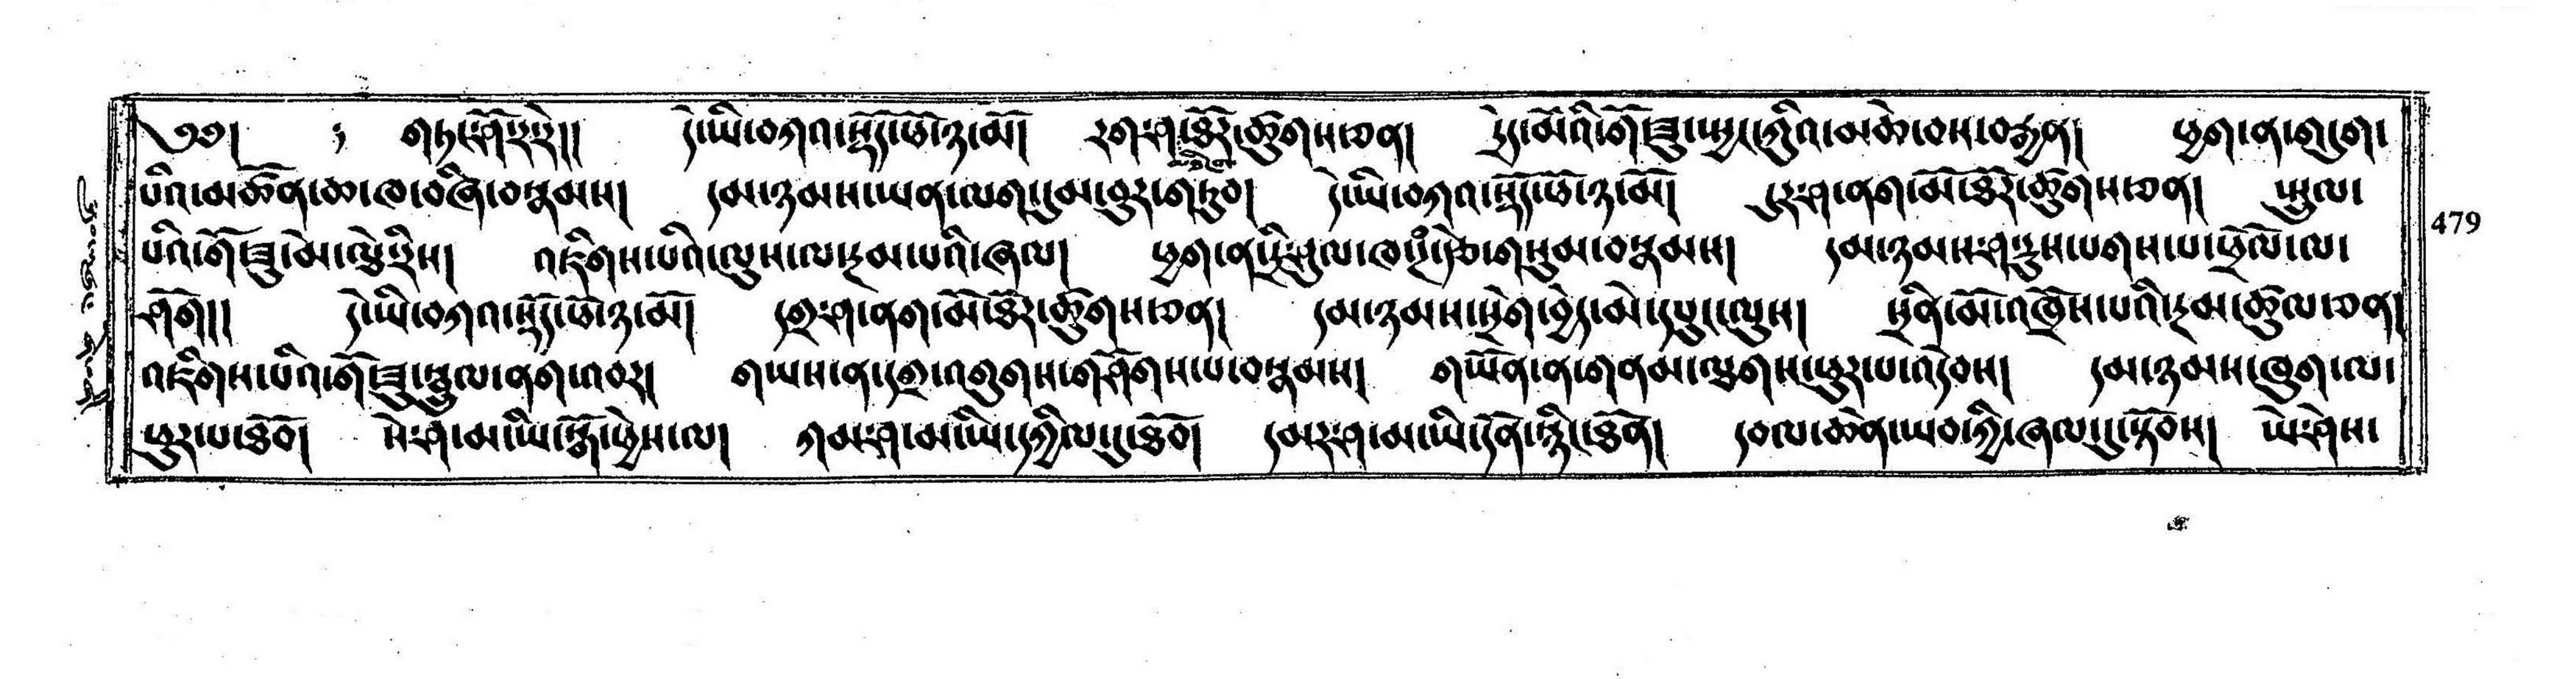གཏང་ཤོ་ར་རེ།། དེ་ཡི་བཀའ་སྡོད་ཕོ་ཉ་མོ། རག་ཤ་མཐིང་ནག་ཐོར་ཚུགས་ཅན། དྲེད་མོའི་གོ་ཟུ་སྤྱང་ཀུའི་མཆེ་བས་བརྒྱན། ཕྱག་ན་གདུག་
པའི་མཚོན་ཆ་ཁ་བཞི་བསྣམས། དམ་ཉམས་ཡན་ལག་དུམ་བུར་གཏུབ། {492}དེ་ཡི་བཀའ་སྡོད་ཕོ་ཉ་མོ། དུར་ཤ་ནག་མོ་ཐོར་ཚུགས་ཅན། སྤྲུལ་
པའི་གོ་ཟུ་མེ་ལྕེ་རིས། འཇིགས་པའི་ལུས་ལ་རྔམ་པའི་ཞལ། ཕྱག་ན་དྲི་ཤུལ་ཁ་ཊྃ་རྩེ་གསུམ་བསྣམས། དམ་ཉམས་ཤ་རུས་པགས་པ་ཕྲོལ་ལ་
ཤོག དེ་ཡི་བཀའ་སྡོད་ཕོ་ཉ་མོ། དགྲ་ཤ་ནག་མོ་ཐོར་ཚུགས་ཅན། དམ་ཉམས་སྲེག་བྱེད་མེ་དཔུང་ལུས། སྲིན་མོ་འཁྲོས་པའི་རྔམ་ཚུལ་ཅན། 
འཇིགས་པའི་གོ་ཟུ་སྦྲུལ་ནག་འབར། གཡས་ན་དགྲ་འགུགས་གཤོགས་པ་བསྣམས། གཡོན་ན་གནམ་ལྕགས་ཕུར་པ་འདེབས། དམ་ཉམས་ཁུག་ལ་
ཕུར་པ་ཐོབ། སེ་ཤ་མ་ཡི་སྒོ་ཕྱེས་ལ། ཀམ་ཤ་མ་ཡི་དཀྱིལ་དུ་ཐོབ། དམར་ཤ་མ་ཡི་དོན་སྙིང་ཐོན། དབལ་ཆེན་ཡབ་ཀྱི་ཞལ་དུ་སྟོབས། ཡེ་ཤེས་